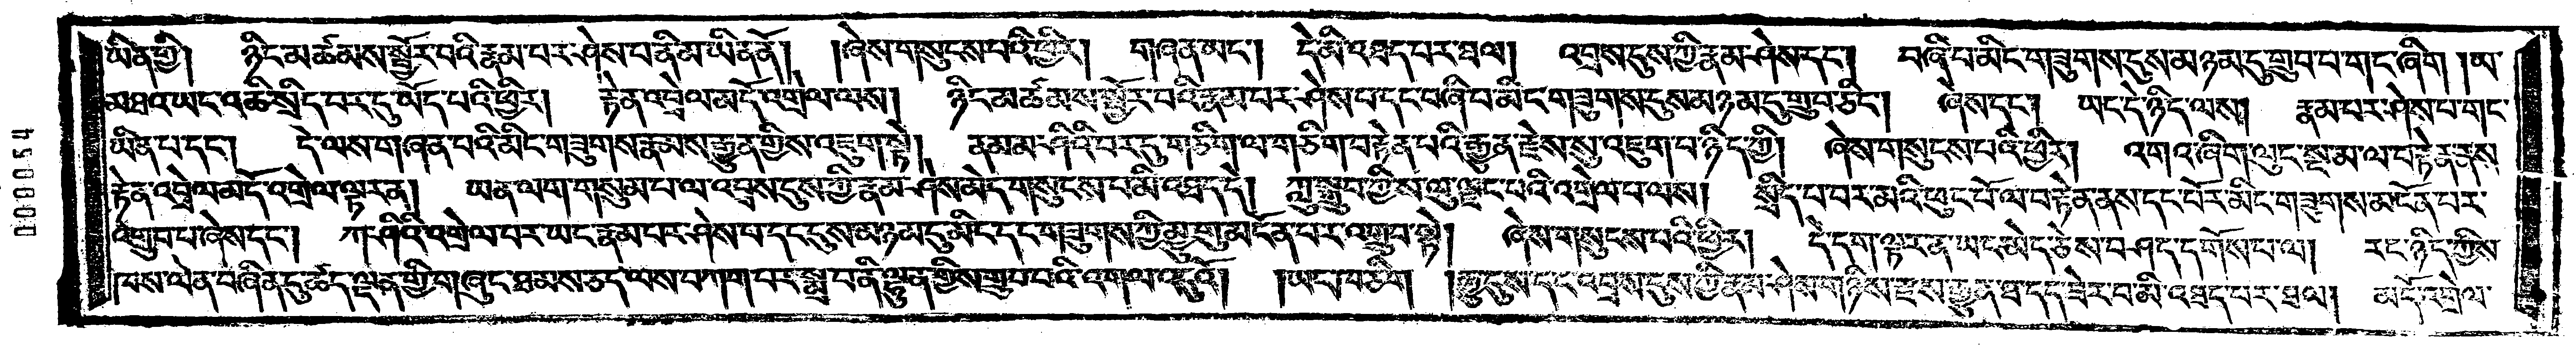ཡིན་གྱི། ཉིད་མཚམས་སྦྱོར་བའི་རྣམ་པར་ཤེས་པ་ནི་མ་ཡིན་ནོ། །ཞེས་གསུངས་པའི་ཕྱིར། གཞན་ཡང་། དེ་མི་འཐད་པར་ཐལ། འབྲས་དུས་ཀྱི་རྣམ་ཤེས་དང་། བཞི་པ་མིང་གཟུགས་དུས་མཉམ་དུ་གྲུབ་པ་གང་ཞིག །ཡ་
མཐའ་ཡང་འཆི་སྲིད་བར་དུ་ཡོད་པའི་ཕྱིར། རྟེན་འབྲེལ་མདོ་འགྲེལ་ལས། ཉིང་མཚམས་སྦྱོར་བའི་རྣམ་པར་ཤེས་པ་དང་བཞི་བ་མིང་གཟུགས་དུས་མཉམ་དུ་གྲུབ་ཅིང་། ཞེས་དང་། ཡང་དེ་ཉིད་ལས། རྣམ་པར་ཤེས་པ་གང་
ཡིན་པ་དང་། དེ་ལས་གཞན་པའི་མིང་གཟུགས་རྣམས་རྒྱུན་གྱིས་འཇུག་སྟེ། ནམ་མ་ཤིའི་བར་དུ་གཅིག་ལ་གཅིག་བརྟེན་པའི་རྒྱུན་རྗེས་སུ་འཇུག་པ་ཉིད་ཀྱི། ཞེས་གསུངས་པའི་ཕྱིར། འགའ་ཞིག་ལུང་སྔ་མ་ལ་བརྟེན་ནས་
རྟེན་འབྲེལ་མོད་འགྲེལ་ལྟར་ན། ཡན་ལག་གསུམ་པ་ལ་འབྲས་དུས་ཀྱི་རྣམ་ཤེས་མེད་གསུངས་པ་མི་འཐད་དེ། ཀླུ་སྒྲུབ་ཀྱིས་ལུ་ལྗང་བའི་འགྲེལ་བ་ལས། སྲིད་པ་བར་མའི་ཕུང་པོ་ལ་བརྟེན་ནས་དང་པོར་མིང་གཟུགས་མངོན་པར་
འགྲུབ་པ་ཞེས་དང་། ཀ་ཤིའི་འགྲེལ་པར་ཡང་རྣམ་པར་ཤེས་པ་དང་དུས་མཉམ་དུ་མིང་དང་གཟུགས་ཀྱི་མྱུ་གུ་མངོན་པར་འགྲུབ་སྟེ། ཞེས་གསུངས་པའི་ཕྱིར། དེ་དག་ལྟར་ན་ཡང་མེད་ཅེས་བཤད་དགོས་པ་ལ། རང་ཉིད་ཀྱིས་
ཁས་ལེན་བཞིན་དུ་ཚད་ལྡན་གྱི་གཞུང་ཐམས་ཅད་ལས་བཀག་པར་སྨྲ་བ་ནི་ལྷུན་གྱིས་གྲུབ་པའི་འགལ་འདུའོ། །ཡང་ཁ་ཅིག །རྒྱུ་དུས་དང་འབྲས་དུས་ཀྱི་རྣམ་ཤེས་གཉིས་རྫས་རྒྱུན་ཐ་དད་ཟེར་བ་མི་འཐད་པར་ཐལ། མདོ་འགྲེལ་